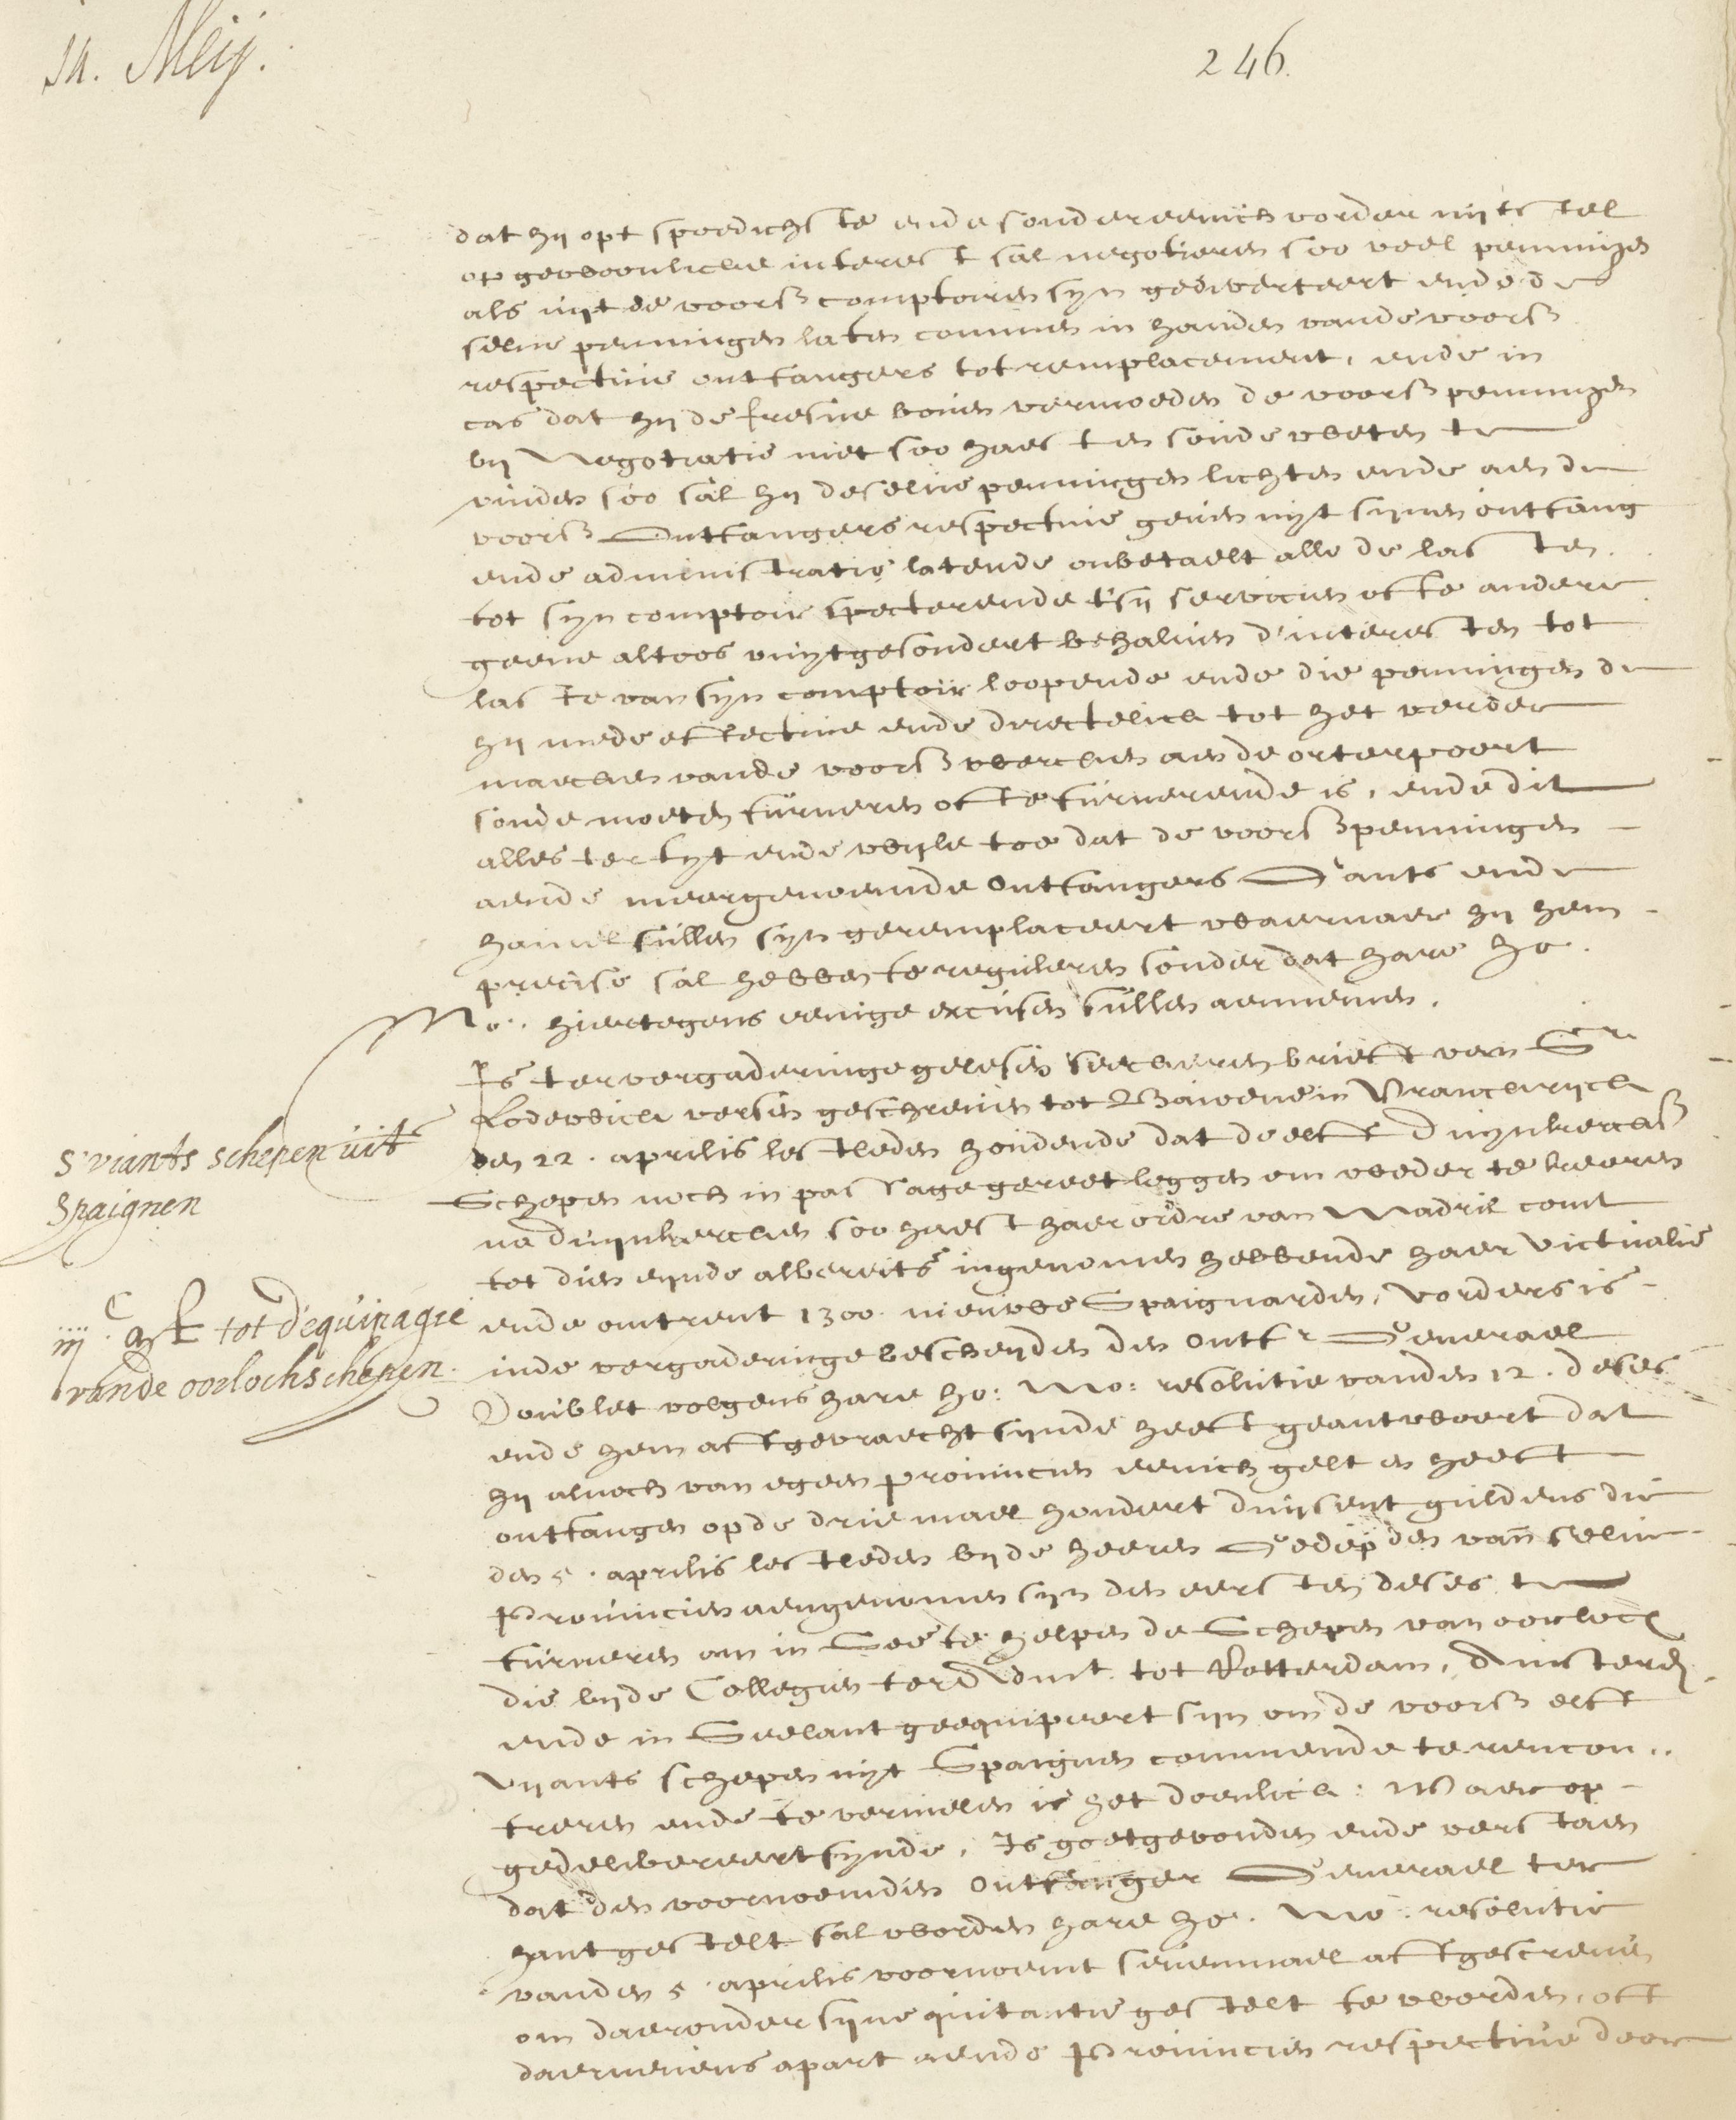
246
14. Meij.
dat hy opt spoedichste ende sonder eenich vorder uytstel
op gewoonlicke interest sal negotieren soo voel penningen
als uyt de voors comptoiren syn gediverteert ende de
selue penningen laten commen in handen vande voors
respectiue ontfangers tot remplacement, ende in
cas dat hy de fresne bouen vermoeden de voors penningen
by Negotiatie niet soo haesten soude weten te
vinden soo sal hy deselve penningen lichten ende aen de
voors Ontfangers respectiue geuen uyt synen ontfang
ende administratie latende onbetaelt alle de lasten
tot syn comptoir specterende tsy servocien ofte andere
geene altoos vuytgesondert behaluen d'interesten tot
laste van syn comptoir loopende ende die penningen de
hy mede effectiue ende directelick tot het verder
maecken vande voors wercken aen de orterpoort
soude moeten furneren ofte furnerende is, ende dit
alles ter tyt ende wyle toe dat de voors penningen
aende meergenoemde ontfangers Gants ende
hamel sullen syn geremplaceert waernaer hy hem
precise sal hebben te reguleren sonder dat hare Ho:
Mo: hiertegens eenige excusen sullen aennemen
s'viants schepen uit
Spaignen
iijC. m L. tot d'equipagie
vande oorlochschepen
Is ter vergaderinge gelesen seeckeren brieff van Sr
Lodewick versen geschreven tot Baioene in Vranckryck
den 22. aprilis lestleden houdende dat de elff Duynkerckse
Schepen noch in passage gereetleggen om weder te keeren
na Duynkercken soo haest haer ordre van Madrid comt
tot dien eynde albereits ingenomen hebbende haer victualie
ende omtrent 1300. nieuwe Spaignarden, vorders is
inde vergaderinge bescheyden den ontfr Generael
Doublet volgens hare Ho:Mo: resolutie vanden 12. deses
ende hem affgevraecht synde heeft geantwoort dat
hy alnoch van egeen prouincien eenich gelt en heeft
ontfangen opde drie mael hondert duysent guldens die
den 5. aprilis lestleden by de heeren Gedepden. van selue
Prouincien aengenomen syn den eersten deses te
furneren om in See te helpen de Schepen van oorloch
die by de Collegien ter Admt. tot Rotterdam, Amsterd.
ende in Seelant geequipeert syn om de voors elff
vyants schepen uyt Spaignen commende te rencon„
treren ende te vernielen is het doenlick. Waer op
gedelibereert synde, Is goetgevonden ende verstaen
dat den voornoemden ontfanger Generael ter
hant gestelt sal worden hare Ho:Mo: resolutie
vanden 5. aprilis voornoemt seuenmael affgescreuen
om daeronder syne quitantie gestelt te worden, off
daerneuens apart aende prouincien respectiue door
